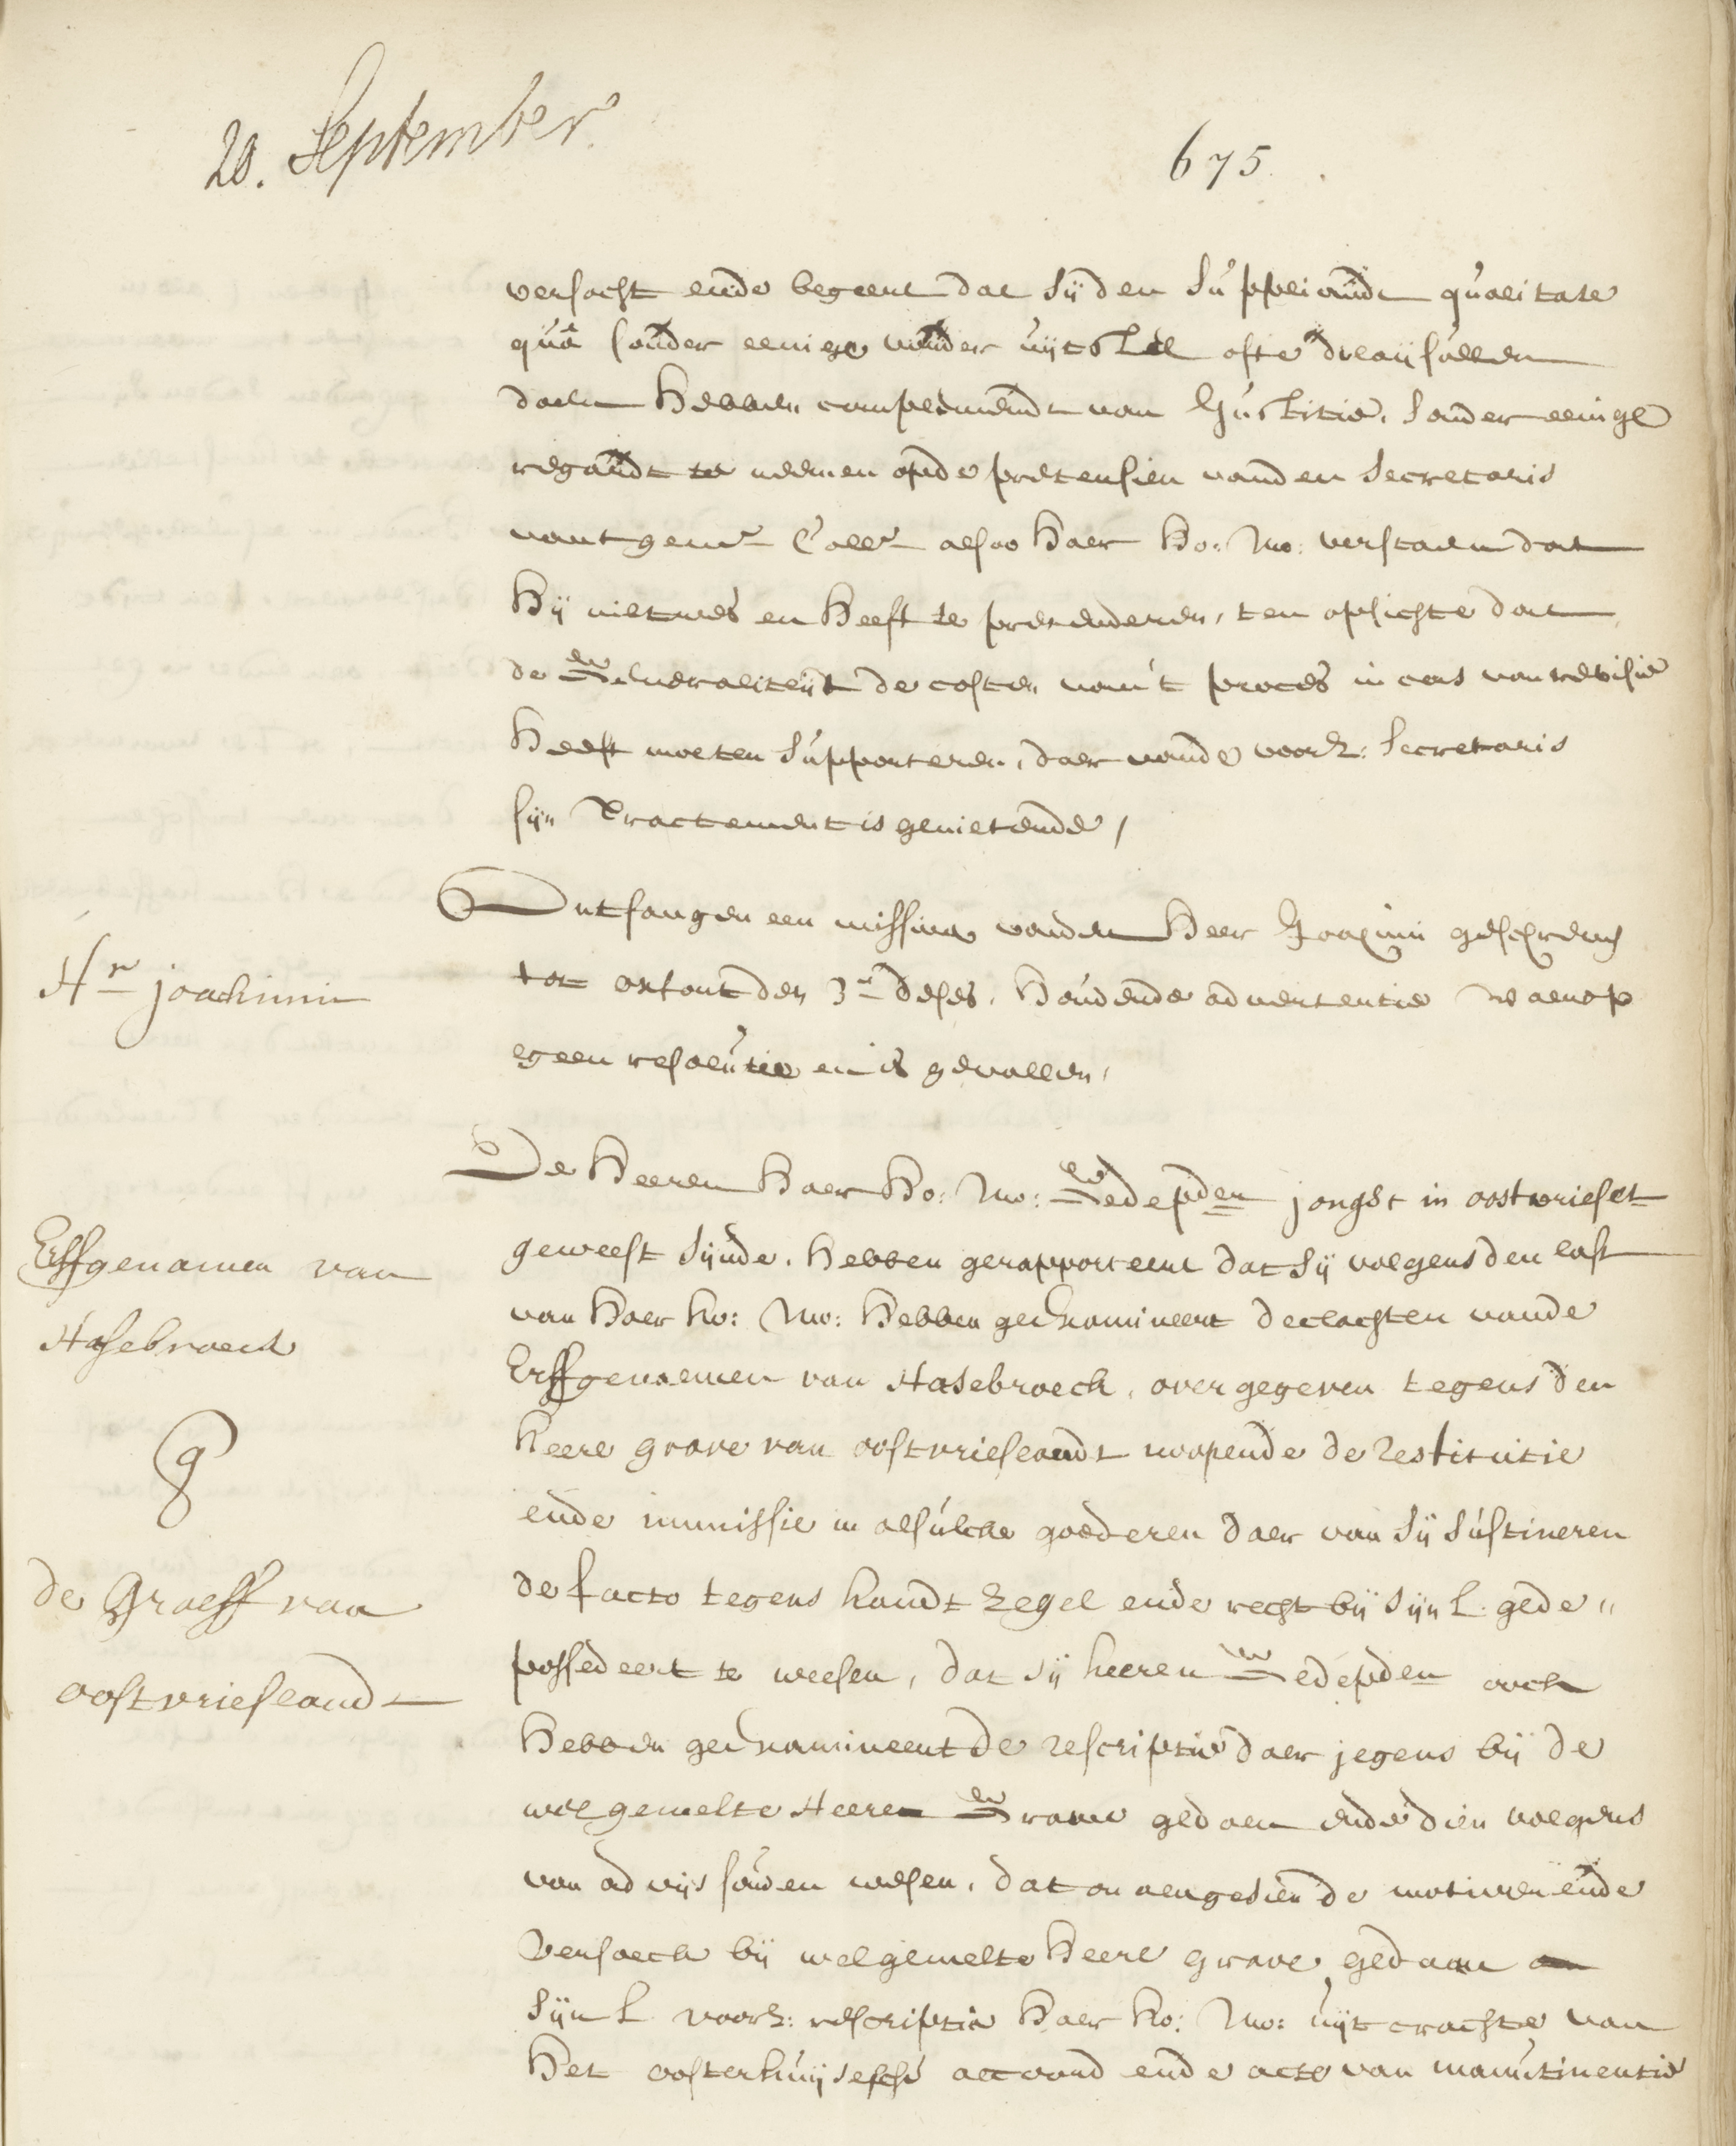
675
20. September.
versocht ende begeert dat sij den suppliandt qualitate
qua sonder eenigh verder uijtstsel ofte dilaij sullen
doen hebben complemendt van Justitie, sonder eenigh
regardt te neemen opde pretensien vanden secretaris
vant gene Colle alsoo haer Ho:Mo: verstaen dat
hij niet wes en heeft te pretenderen, ten opsichte dat
de Generaliteijt de costen van 't proces in cas van revisie
heeft moeten supporteren, daer vande voorz: secretaris
sijn tractement is genietende.
Hr. joachimi
Ontfangen een missive vanden heer Joachimi geschreven
tot Oxfort den 3e deses, Houdende advertentie waerop
egeen resolutie en is gevallen.
Erffgenamen van
Hasebroeck
Ca
de Graeff van
oostvrieslandt
De Heeren haer Ho:Mo: Gedepden jongst in oostvrieslt
geweest sijnde, hebben gerapporteert dat sij volgens den last
van Haer Ho:Mo: hebben geexamineert de clachten vande
Erffgenaemen van Hasebroeck, overgegeven tegens den
heere grave van oostvrieslandt noopende de restitutie
ende immissie in alsulcke goederen daer van sij sustineren
de facto tegens handt zegel ende recht bij sijn L. gede„
possedeert te weesen, dat sij heeren Gedepden oock
hebben geexamineert de rescriptie daer jegens bij de
welgemelte Heere Grave gedaen ende dan volgens
van advijs souden wesen, dat onaengesien de motieven ende
versoeck bij welgemelte Heere Grave gedaen
sijn L. voorz: rescriptie Haer Ho:Mo: uijt crachte van
het Oosterhuijsesche accoord ende acte van maintinentie
